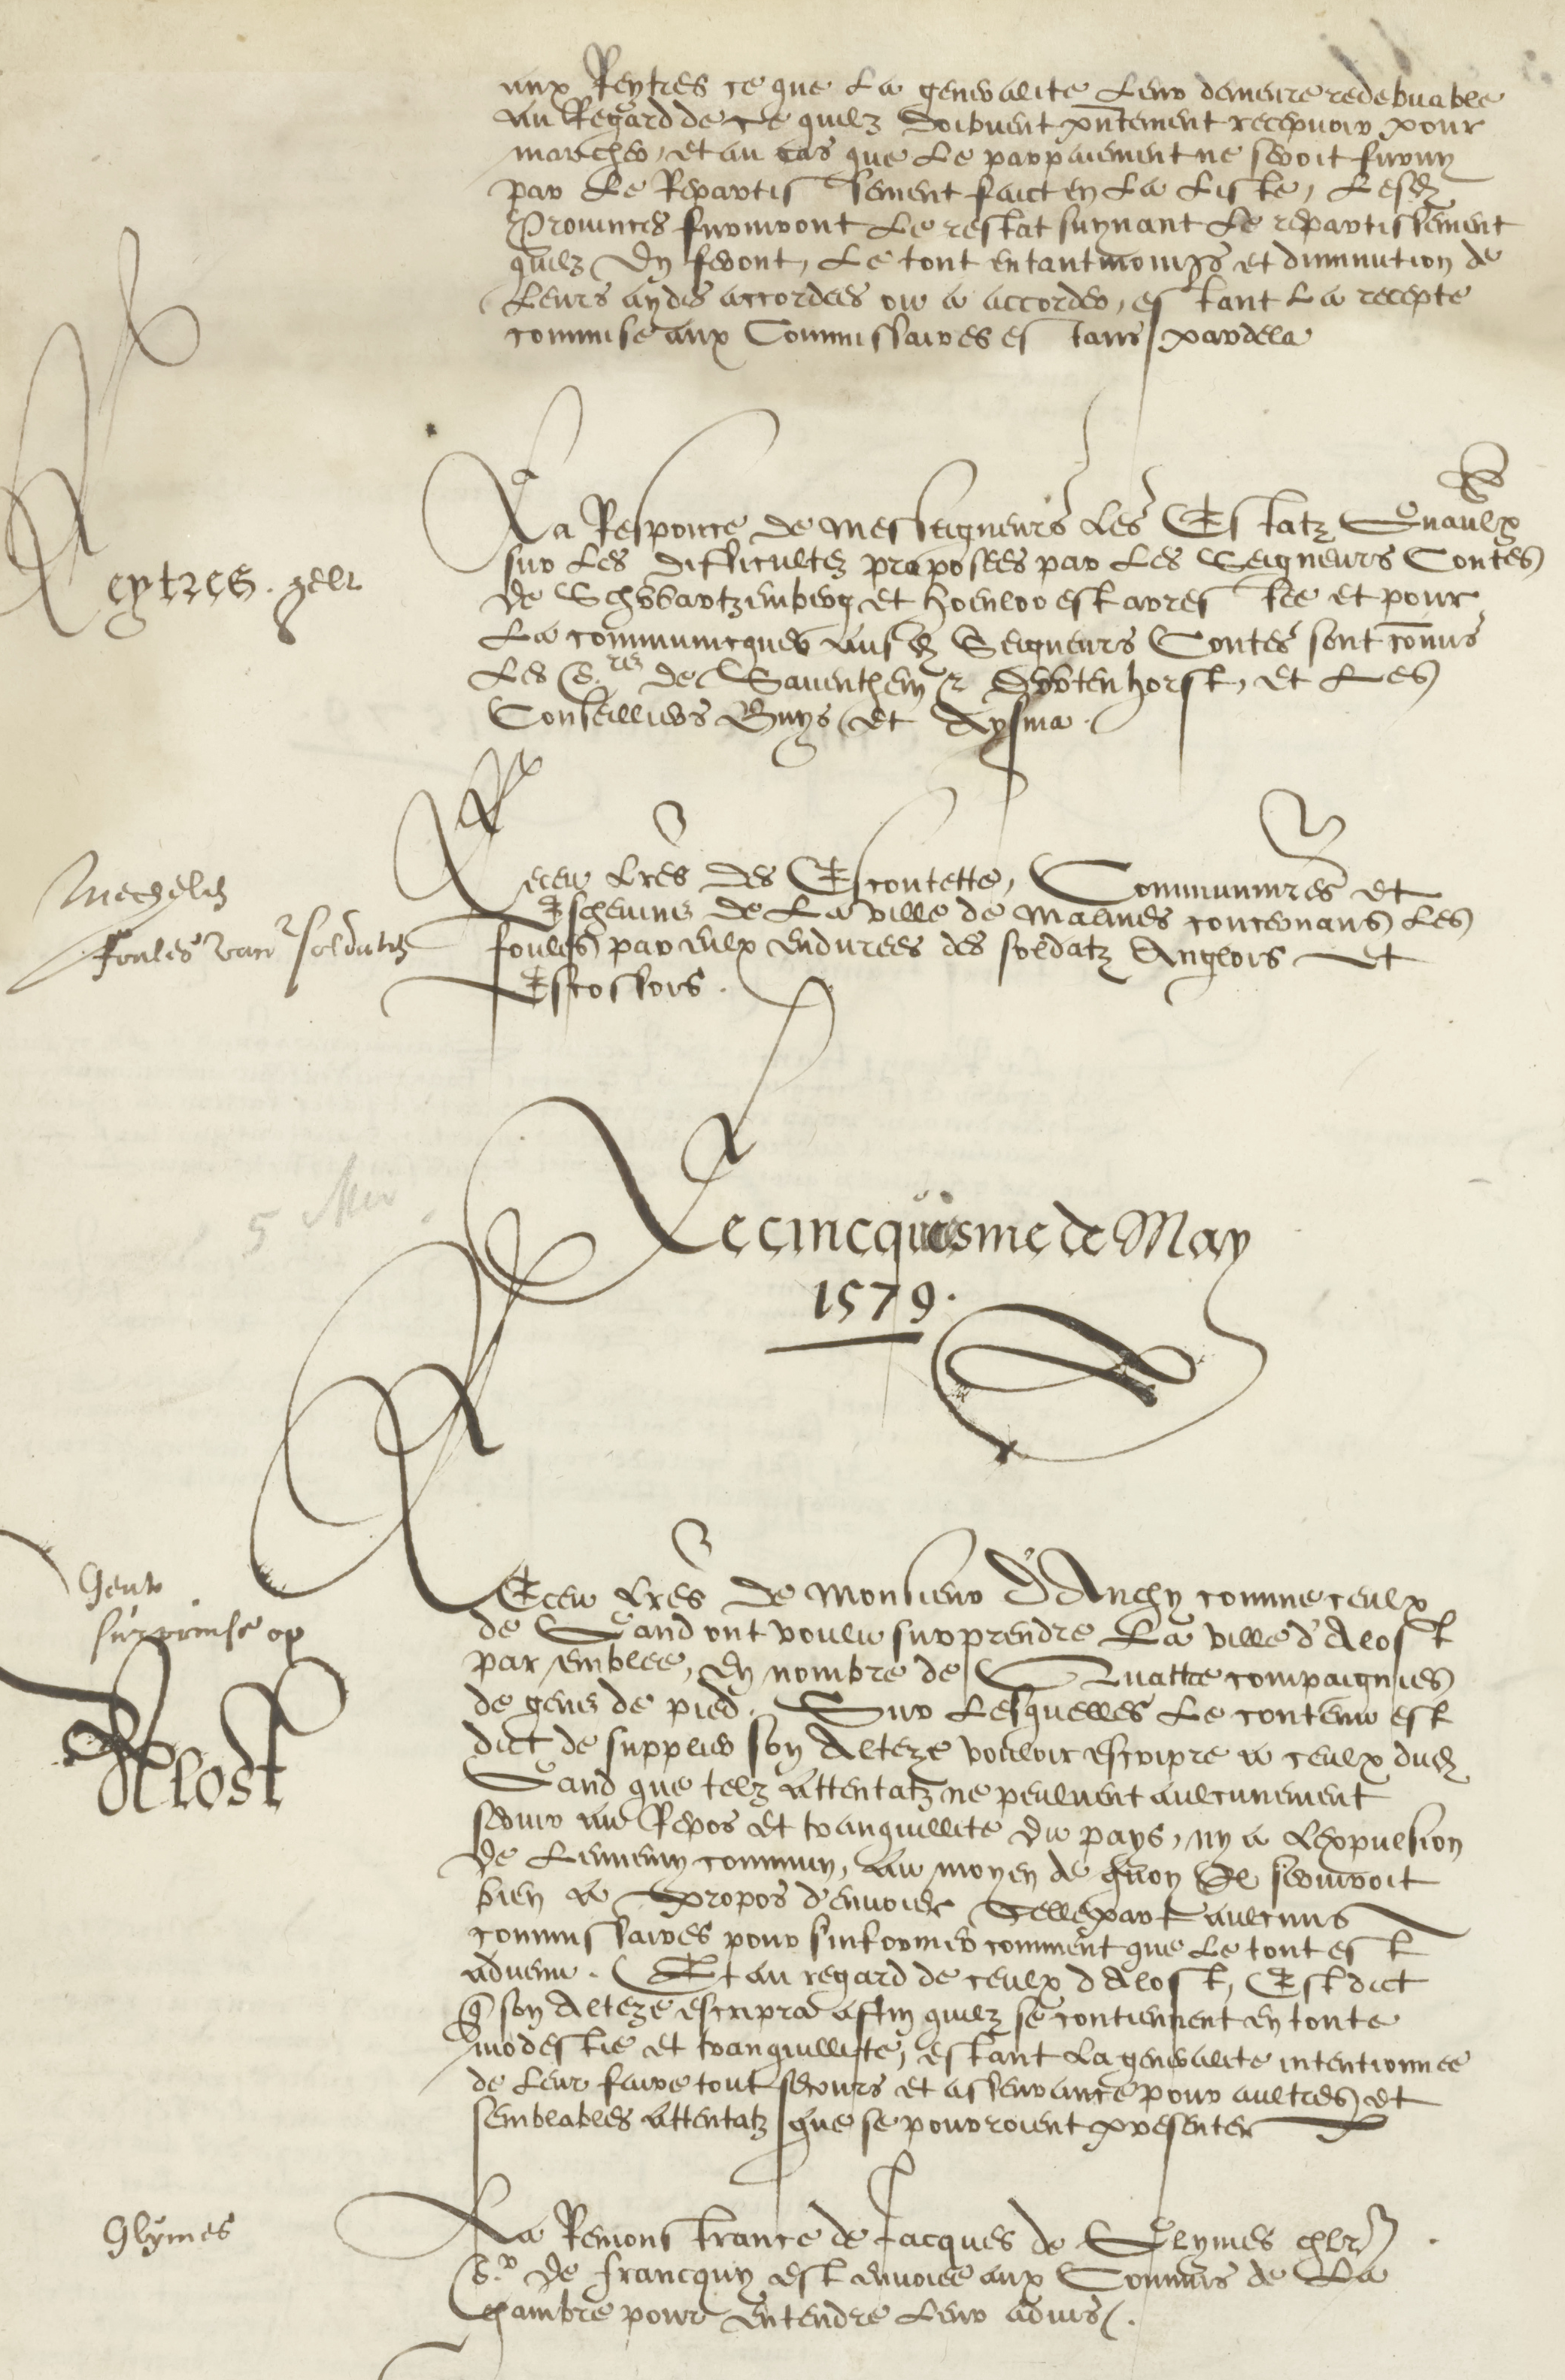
aux Reytres ce que la generalite leur demeure redevuable
au Regard de ce quilz doivuent pntement recepuoir pour
marcher, et au cas que le par paiement ne seroit furny
par le Repartissement faict en la liste, lesd
Provinces furniront le restat suyuant le repartissement
quilz en feront, le tout entant moings et diminution de
leurs aydes accordees ou a accorder, estant la recepte
commise aux Commissaires estans par dela
Reytres. gelt
La Responce de messeigneurs les Estatz Gnaulx
sur les difficultez proposees par les Seigneurs Contes
de Schwartzemberg et Hoenloo est arrestee et pour
la communicques ausd Seigneurs Contes sont conus
les Srs. de Sauenthem & Obbtenhorst, et les
Conseilliers Buys et Aysma.
Mechelen
foules van soldaten
Receu lres des Escoutette, Communmres et
Escheuins de la ville de malines concernans les
foules par eulx endurees des soldatz Anglois et
Escossois.
Le cincquisme de May
1579.
Gent
surprinse op
Alost
Receu lres de monsieur D‛Anchy comme ceulx
de Gand ont voulu surprendre la ville d'Alost
par emblee, en nombre de Quattre compaignies
de genie de pied. Sur lesquelles le contenu est
dict de supplier Son Alteze vouloir escripre a ceulx dud
Gand que telz attentatz ne peuluent aulcunement
servir au Repos et tranquillite du pays, ny a lexpulsion
de lennemy commun, au moyen de quoy il seruiroit
bien a Propos d'enuoier Celle part aulcuns
commissaires pour s‛informer comment que le tout est
aduenu. Et au regard de ceulx dAlost, Est dict
ca. son Aleze escripra affin quilz se contiennent en toute
modestie et tranquillite, estant la generalite intentionnee
de leur faire tout secours et asseurance pour aultres et
semblables attentatz que se pourroient presenter
Glijmes
La Remonstrance de Jacques de Glymes chlr
Sr. de Francquy est enuoiee aux Commis de la
chambre pour entendre leur aduis
